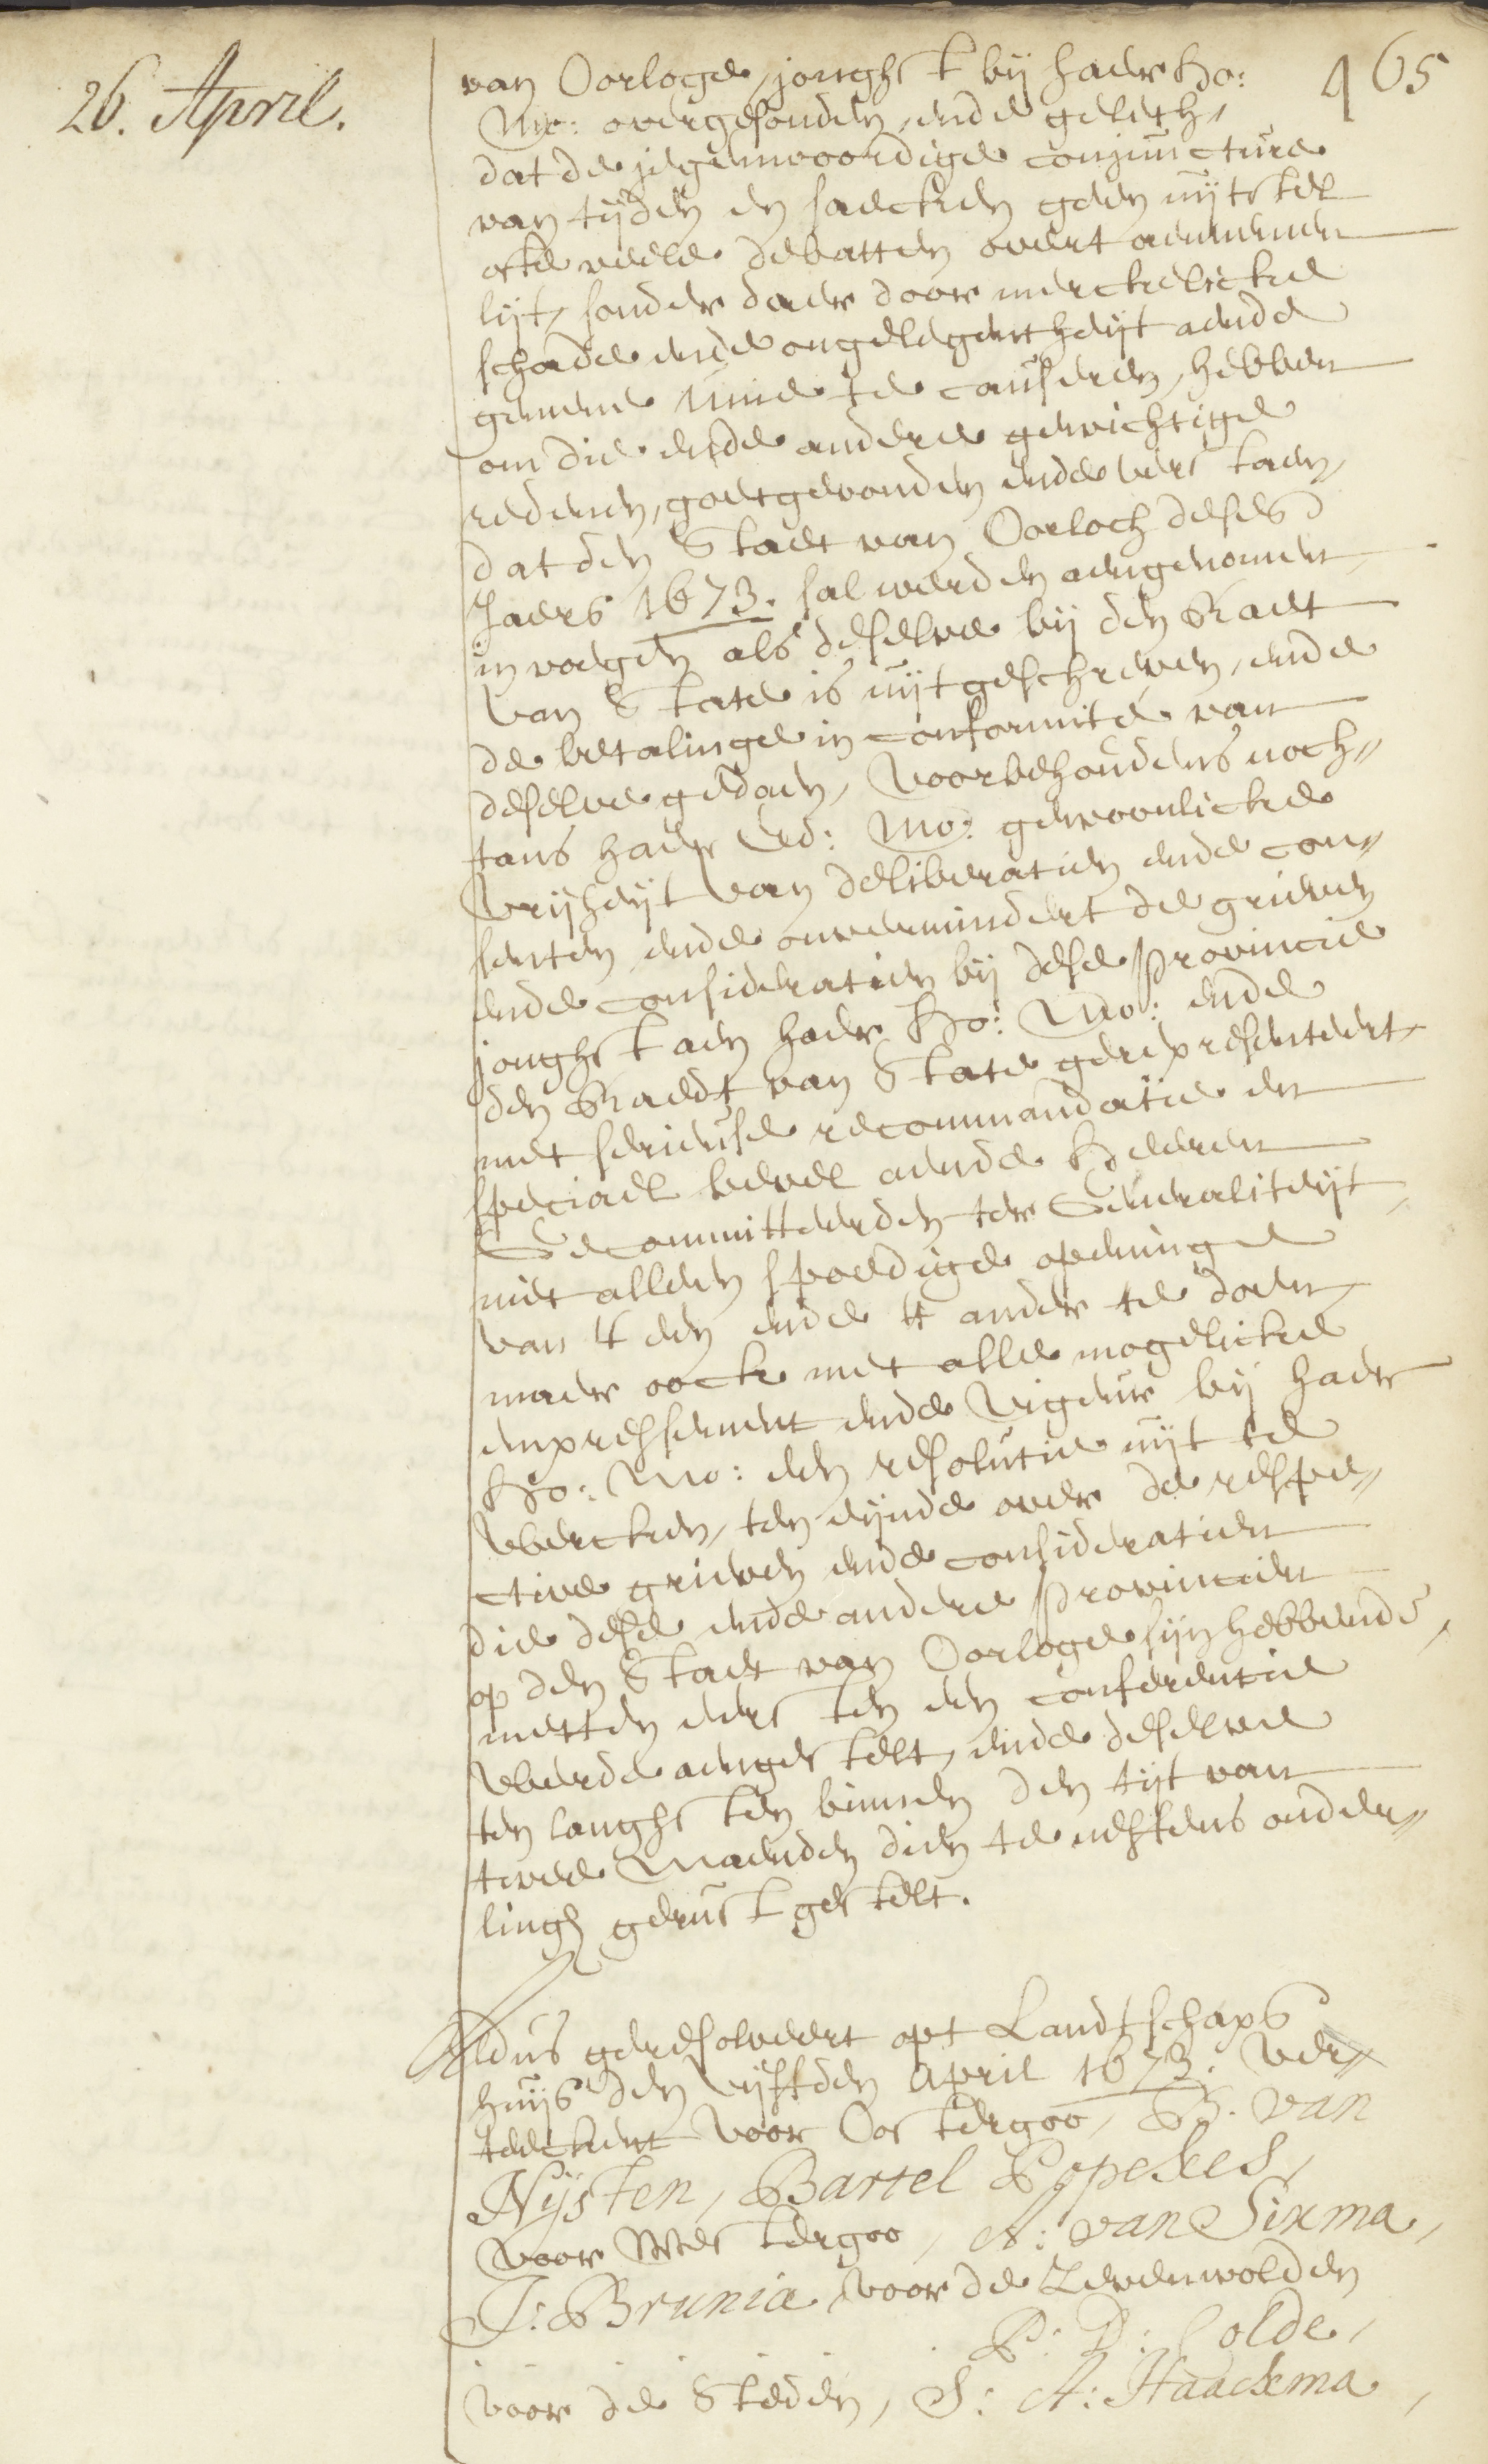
465
26. April.
van Oorloge, jonghst bij haer Ho:
Mo: overgesonden, ende geleth,
dat de jegenwoordige conjuncture
van tijden en saecken geen uijtstel
ofte veele debatten overt aennemen
lijt, sonder daer door merckelicke
schade ende ongelegentheijt aende
gemene Unie te causeren, hebben
om die ende andere gewichtige
redenen, goetgevonden ende verstaen,
dat den Staet van Oorloch dese
Jaers 1673. sal werden aengenomen
in voegen als deselve bij den Raet
van State is uijtgeschreven, ende
de betalinge in conformité van
deselve gedaen, voorbehoudens noch„
tans haer Ed: Mo: gewoonlicke
vrijheijt van deliberatien ende con„
centen ende onvermindert de grieven
ende consideratien bij dese provincie
jonghst aen haer Ho:Mo: ende
den Raedt van State gerepresenteert
met serieuse recommandatie en
speciael bevel aende Heeren
Gecommitteerden ter Generaliteijt
niet alleen spoedige openinge
van ‛t een ende ‛t ander te doen,
maer oock met alle mogelicke
empressement en vigeur bij haer
Ho:Mo: een resolutie uijt te
wercken, ten eijnde over de respe„
ctive grieven ende consideratien
die dese ende andere provincien
op den Staet van Oorloge sijn hebbende,
metten eersten een conferentie
werden aengestelt, ende deselve
ten langhsten binnen den tijt van
twee Maenden dien te neffens onder„
lingh gerust gestelt.
Aldus geresolveert opt Landtschaps
huijs den vijffden April 1673. ver„
teeckent voor Oostergoo, B. van
Nijsten, Bartel Popekes,
voor Westergoo A: van Sixma,
J: Brunia, voor de Zevenwolden
P:D: Colde,
voor de steden, S: A: Haackma,
